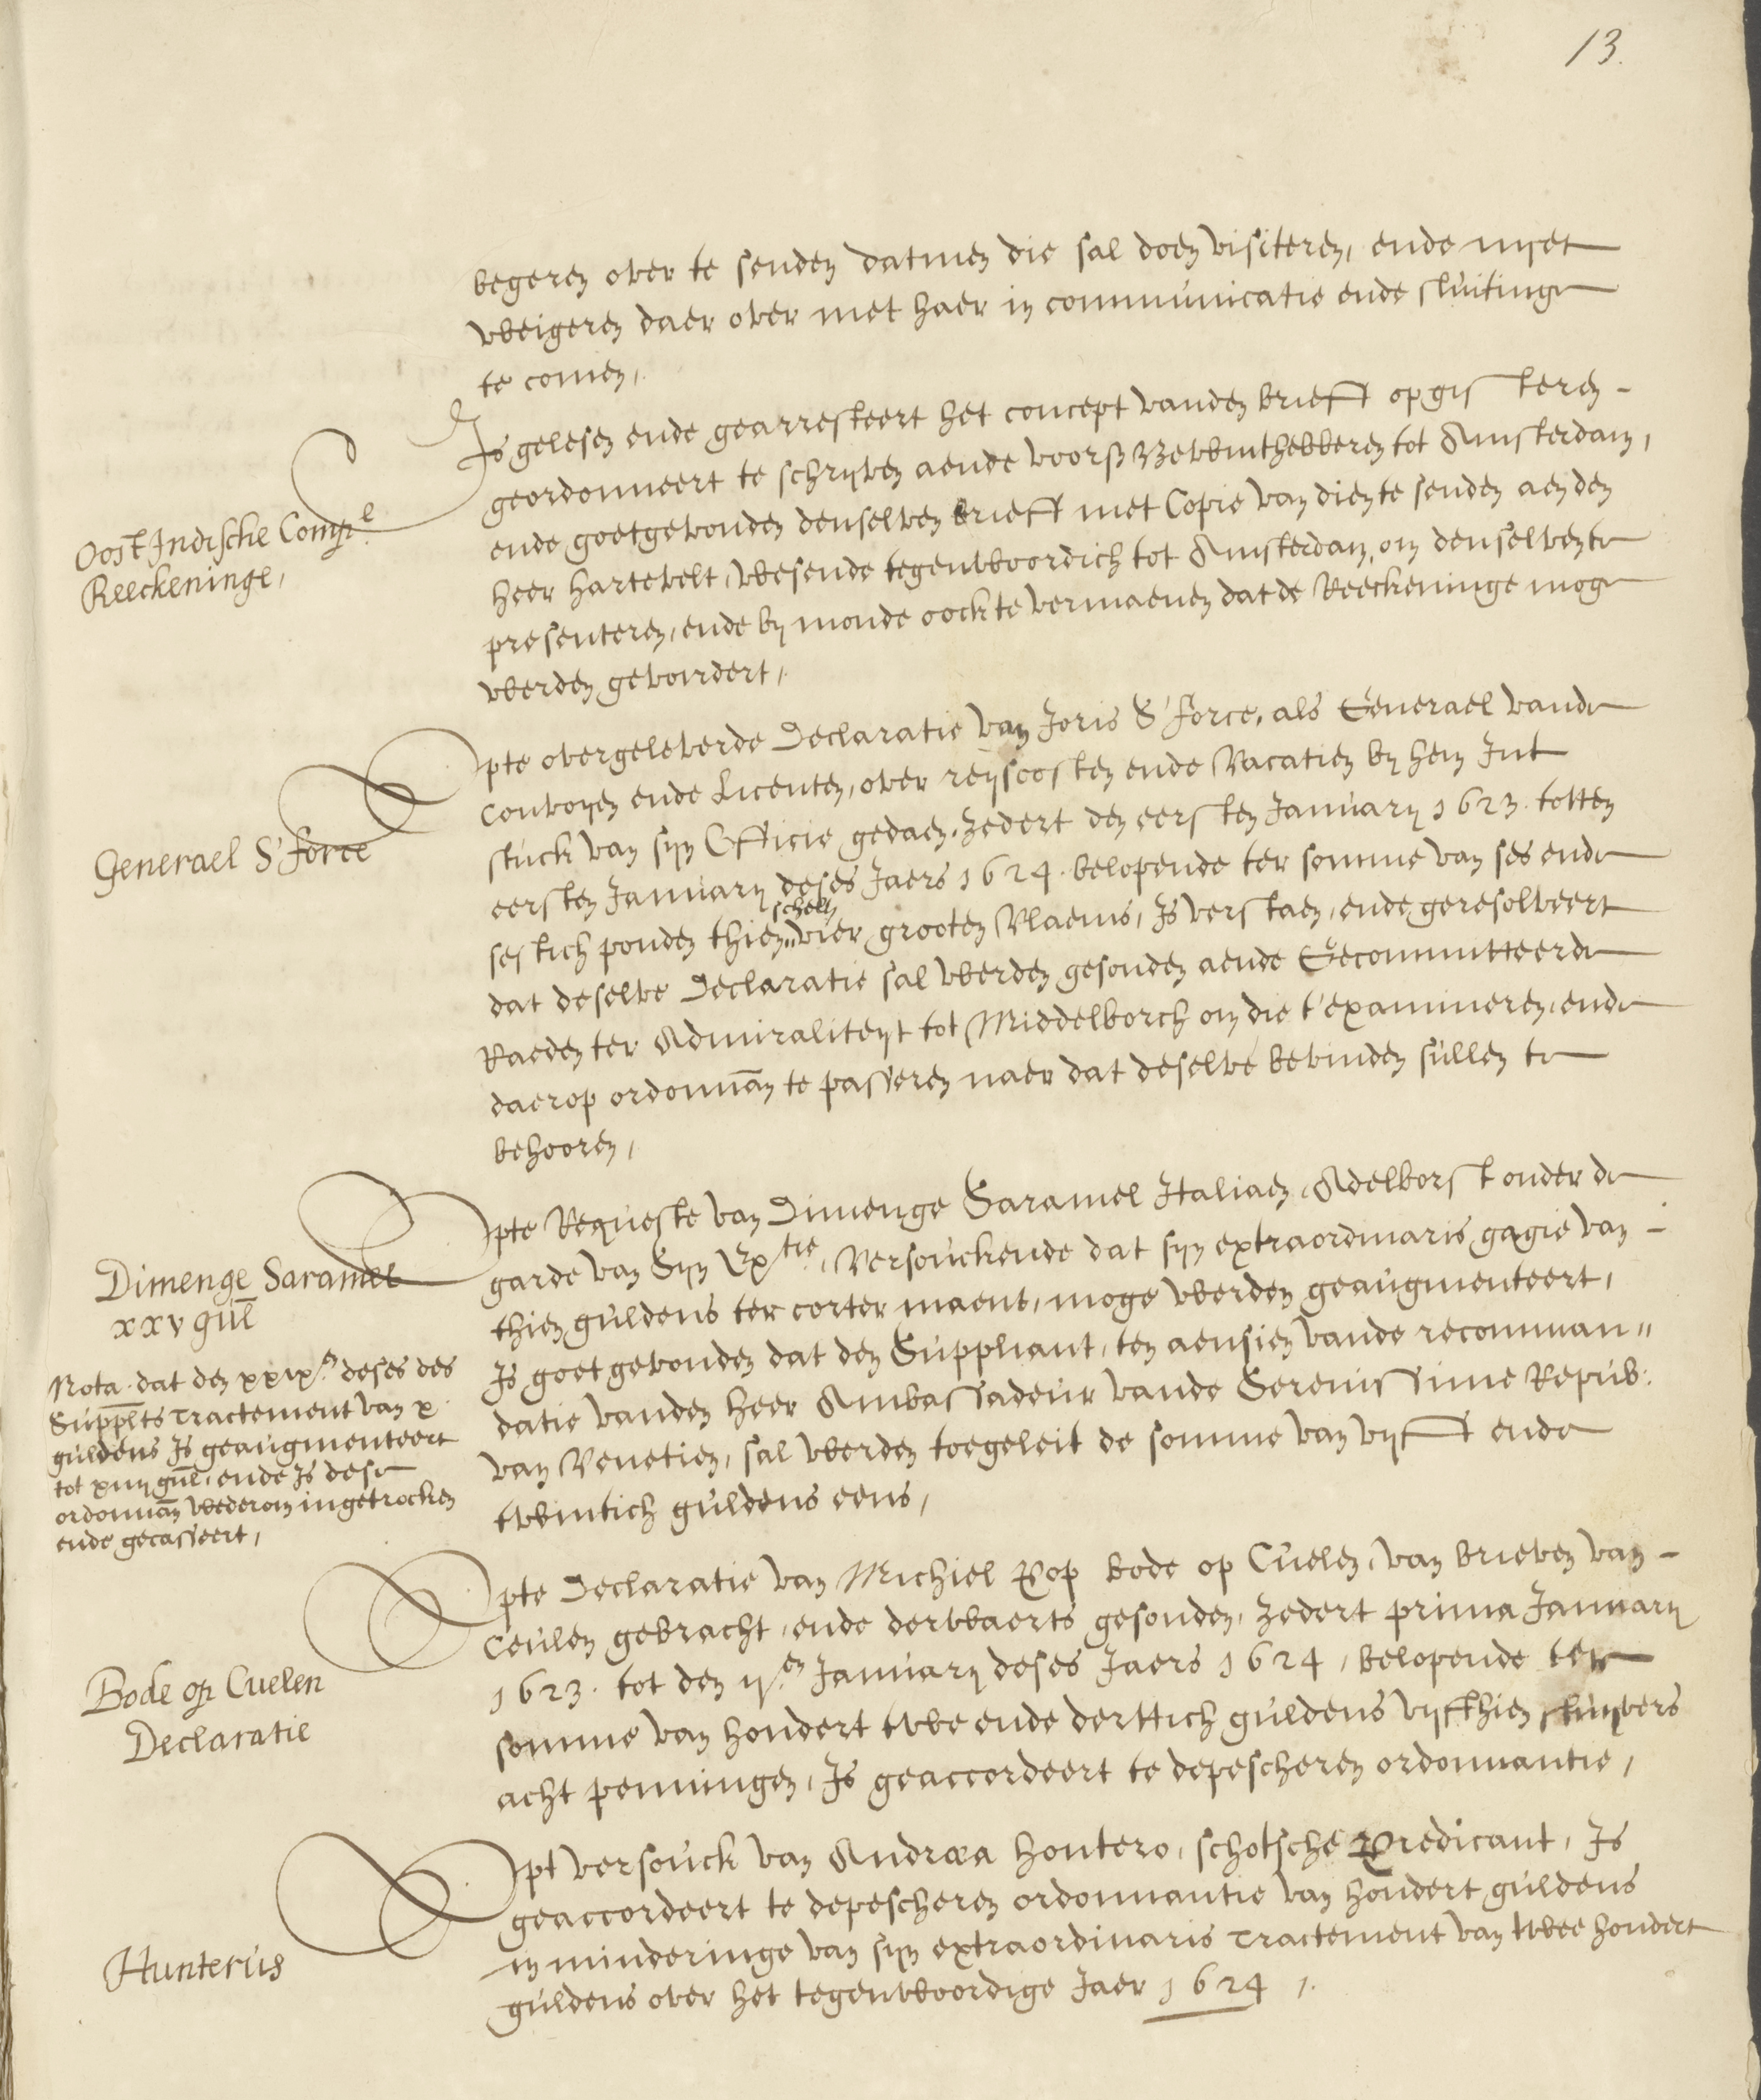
13.
begeren over te senden dat men die sal doen visiteren, ende nyet
weigeren daer over met haer in communicatie ende sluitinge
te comen.
OostIndische Compe.
Reeckeninge.
Is gelesen ende gearresteert het concept vanden brieff op gisteren -
geordonneert te schryven aen den voors Bewinthebberen tot Amsterdam,
ende goetgevonden denselven brieff met Copie van dien te senden aen den
heer hartevelt, wesende tegenwoordich tot Amsterdam, om denselven te
presenteren, ende by monde oock te vermaenen dat de Reeckeninge moge
werden gevoirdert.
Generael S‛force
Opte overgeleverde Declaratie van Joris S‛Force, als Generael vande
convoyen ende Licenten, over reyscosten ende Vacatien by hem Int
stuck van syn Officie gedaen, zedert den eersten January 1623 totten
eersten January deses Jaers 1624. belopende ter somme van ses ende
sestich ponden thien„schel vier grooten Vlaems, Is verstaen, ende geresolveert
dat deselve Declaratie sal werden gesonden aende Gecommitteerde
Raeden ter Admiralityt tot Middelborch om die t‛examineren, ende
daerop ordonnan te passeren naer dat deselve bevinden sullen te
behooren.
Dimenge Saramet
xxv gul
Nota, dat den xxixen. deses des
Supplts tractement van x
guldens Is geaugmenteert
tot xiiij gul, ende Is dese
ordonnan wederom ingetrocken
ende gecasseert,
Opte Requeste van Dimenge Saramel Italiaen, Adelborst onder de
garde van Syn Extie., versouckende dat syn extraordinaris gagie van -
thien guldens ter corter maent, moge werden geaugmenteert,
Is goegevonden dat den Suppliant, ten aensien vande recomman„
datie vanden heer Ambassadeur vande Serenissime Repub:
van Venetien, sal werden toegeleit de somme van vyff ende
twintich guldens eens.
Bode op Cuelen
Declaratie
Opte Declaratie van Michiel Pop bode op Cuelen, van brieven van -
Ceulen gebracht, ende derwaerts gesonden, zedert prima January
1623. tot den ijen. January deses Jaers 1624, belopende ter
somme van hondert twee ende derttich guldens vyfthien stuyvers
acht penningen, Is geaccordeert te depescheren ordonnantie.
Hunterus
Opt versouck van Andræa Honters, schotsche Predicant, Is
geaccordeert te depescheren ordonnantie van hondert guldens
in minderinge van syn extraordinaris tractement van twee hondert
guldens over het tegenwoordige Jaer 1624.
